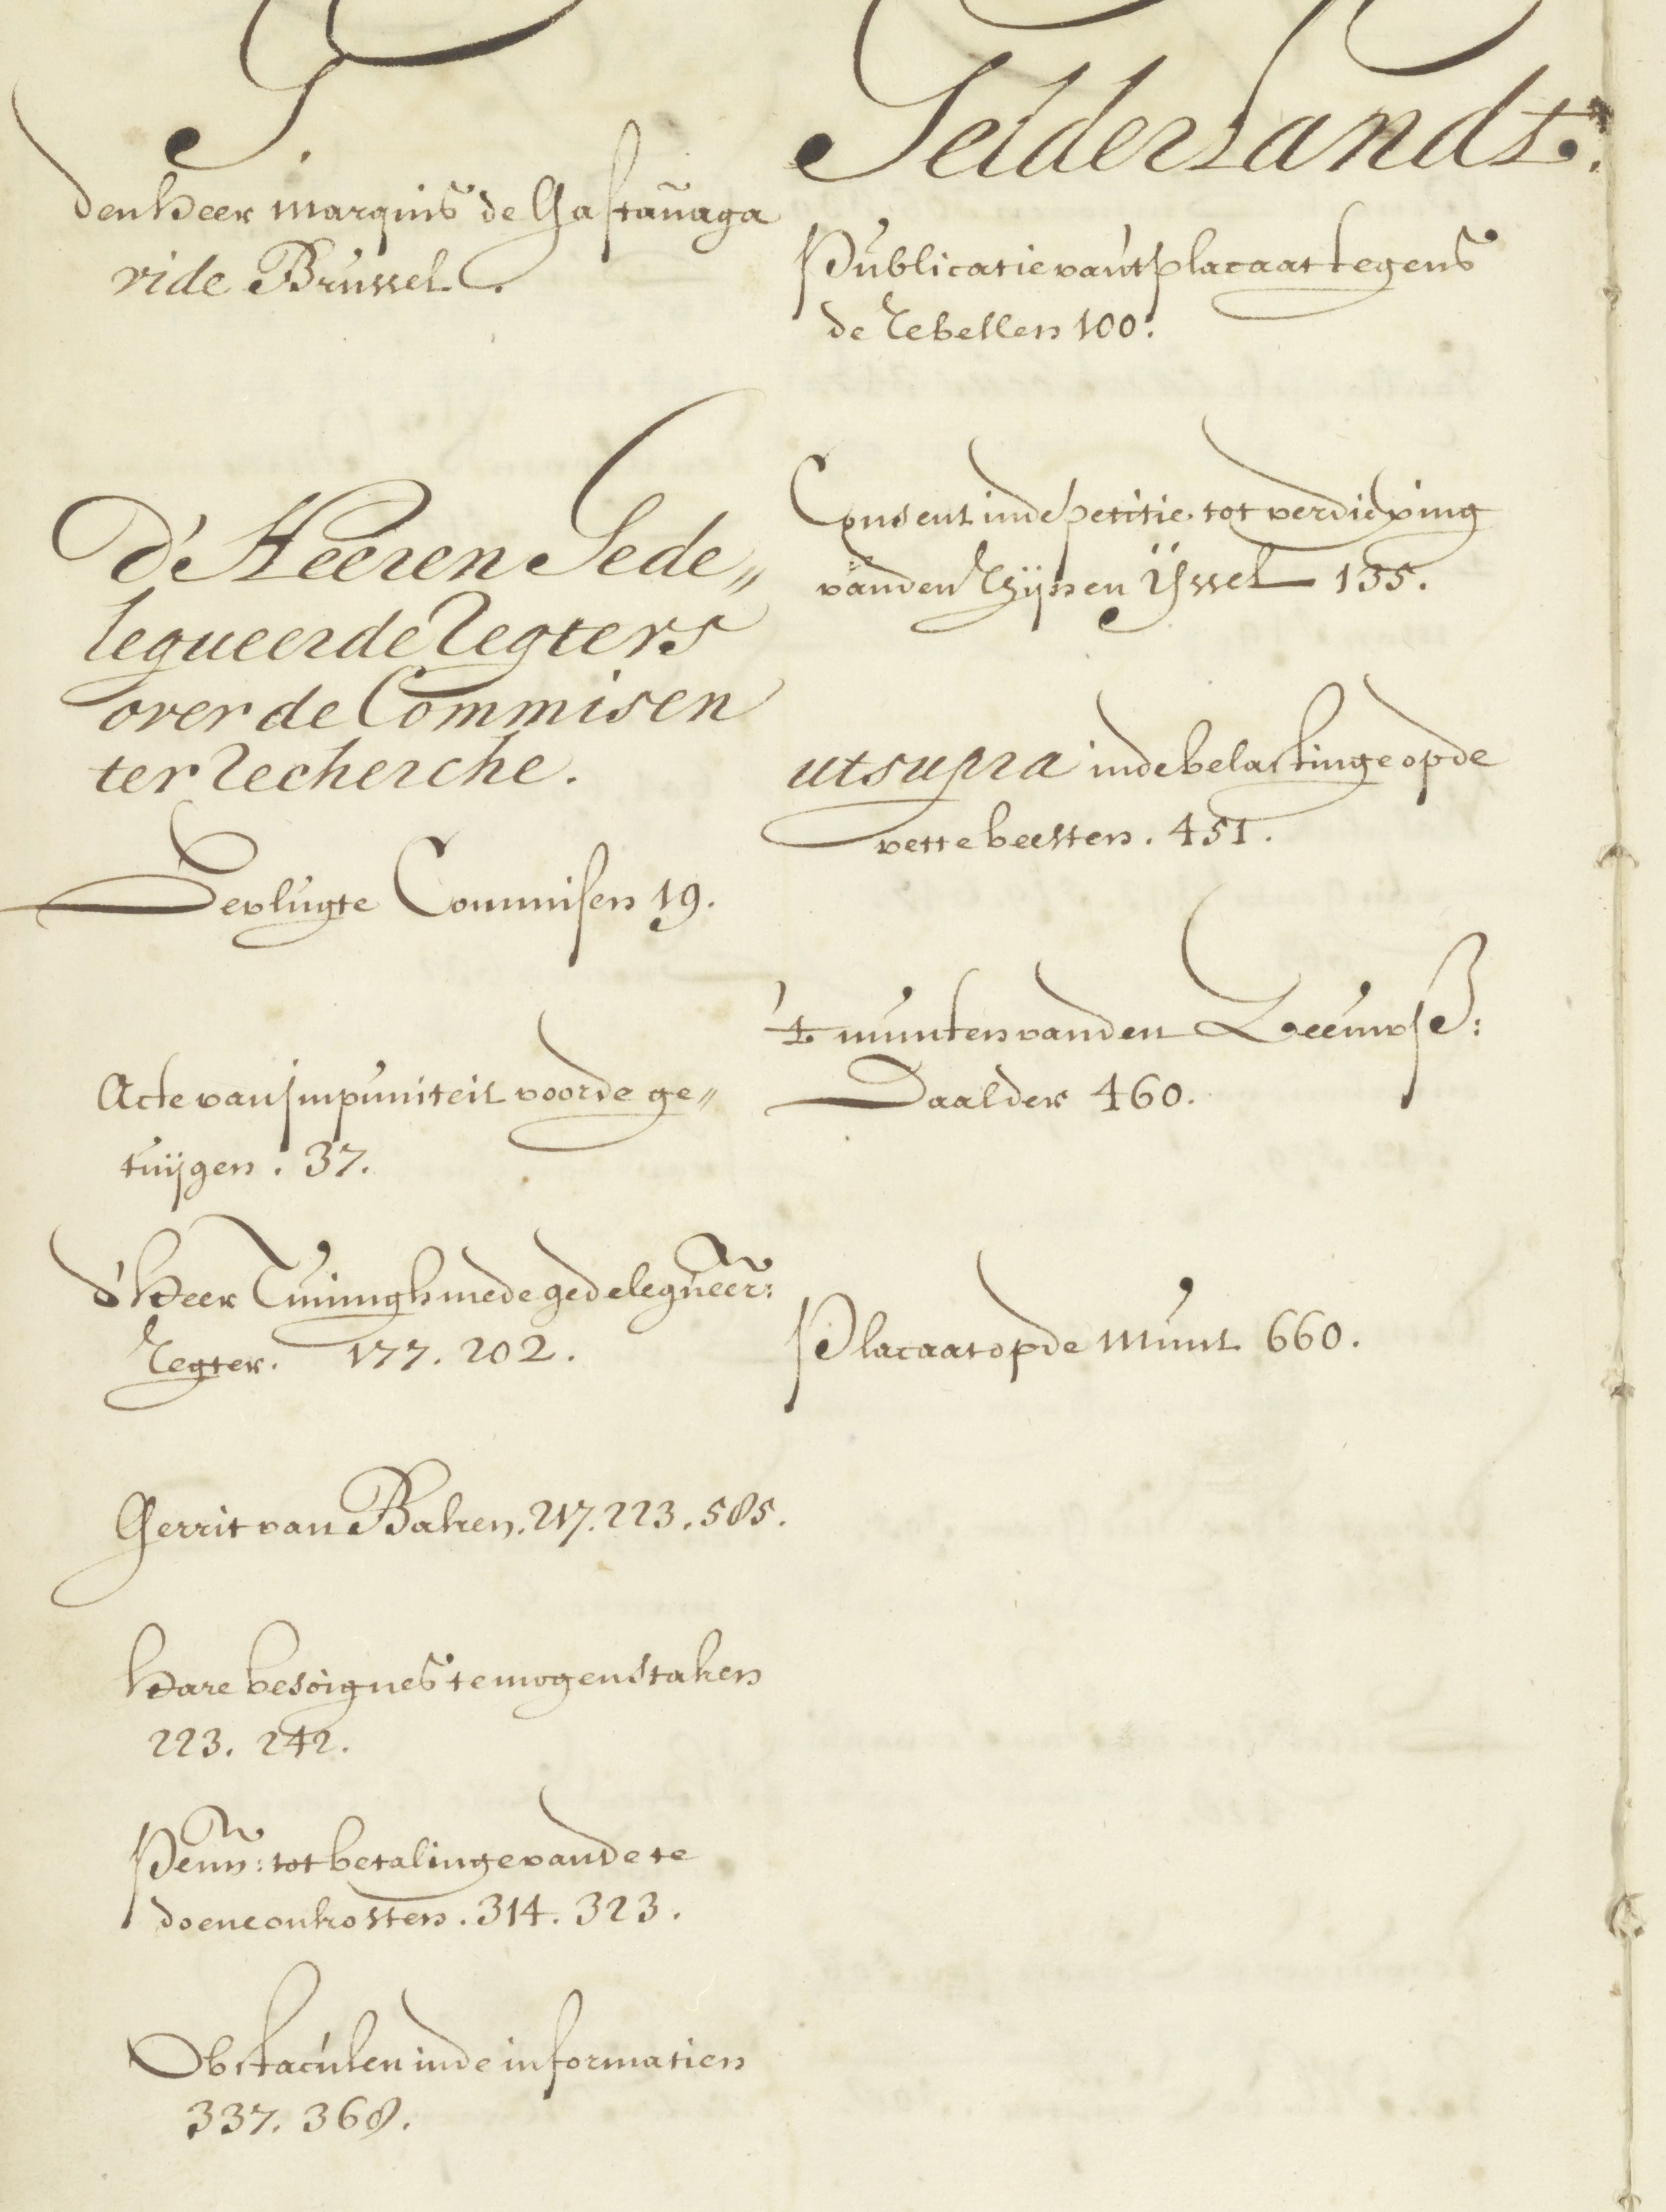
G
den Heer Marquis de Gastaňaga
vide Brussel.
d'Heeren Gede,,
legueerde regters
over de Commisen
ter Recherche
Gevlugte Commisen 19.
Acte van Impuniteit voorde ge,,
tuijgen, 37.
d'heer Tuningh mede gedelegueer:
regter. 177, 202.
Gerrit van Baken, 217, 223, 585.
hare besoignes te mogen staken
223, 242.
Penn: tot betalinge vande te
doene onkosten, 314, 323.
Obstaculen inde informatien
337, 368.
Gelderlandt
Publicatie van't placaat tegens
de rebellen 100.
Consent inde Petitie tot verdieping
vanden Rhijn en IJsssel 135.
ut supra inde belastinge opde
vette beesten, 451.
't munten vanden Zeeuwse:
Daalder 460.
Placaat opde Munt, 660.
